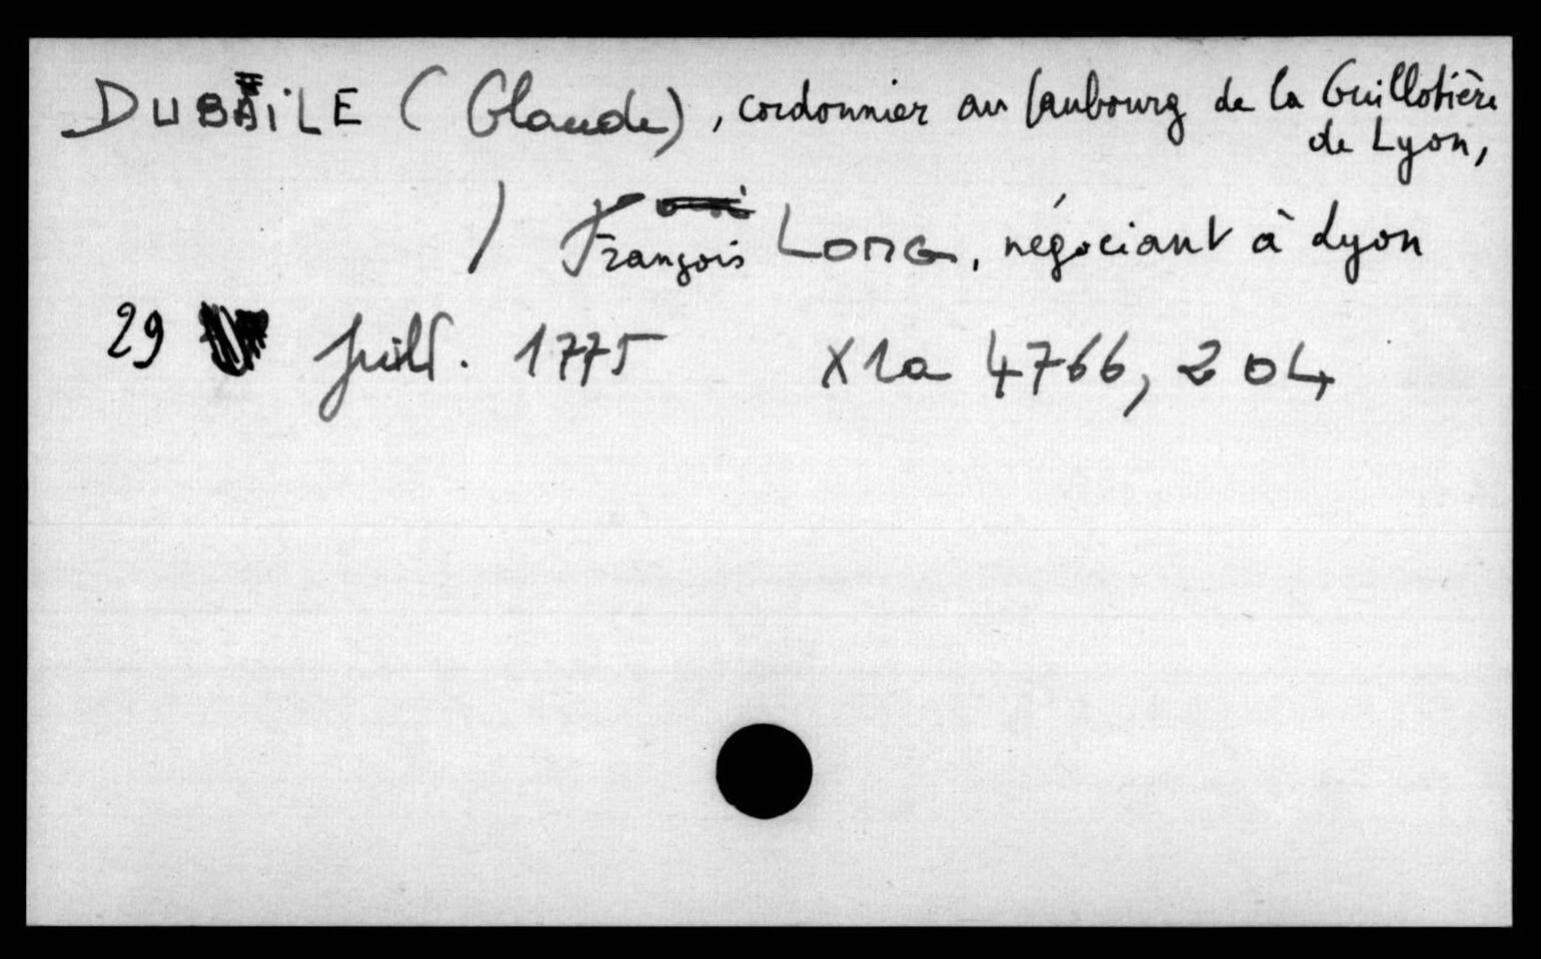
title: DUBAILE (Claude), cordonnier au faubourg de la Guillotière de Lyon
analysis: contre François Long, négociant à Lyon.
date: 29 juillet 1775
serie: X1a
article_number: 4766
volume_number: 204
